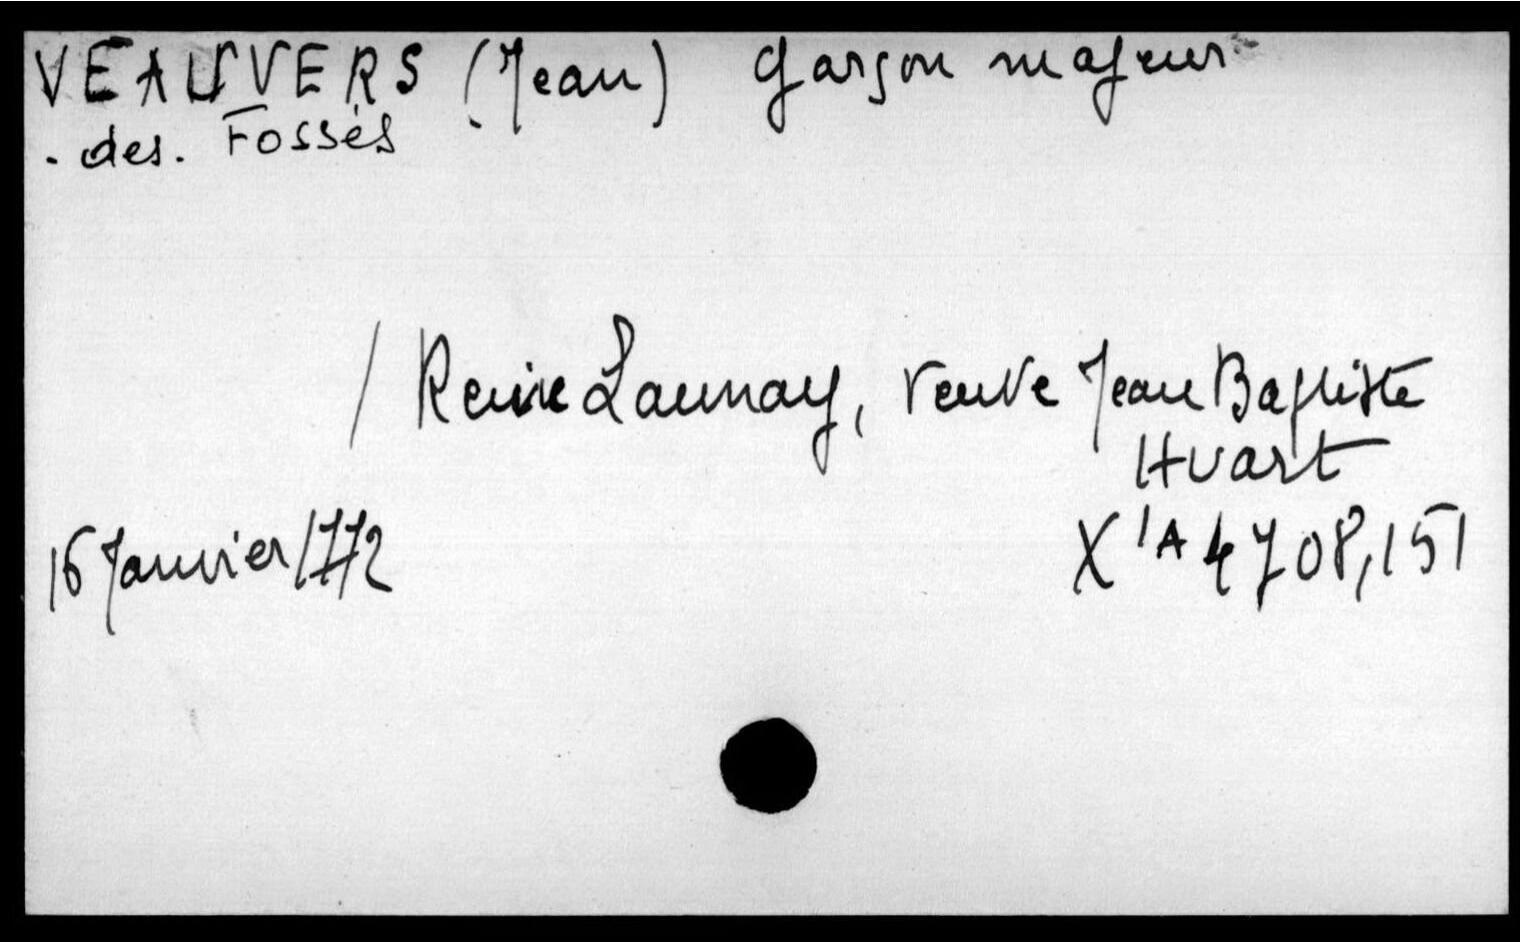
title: VEAUVERS-des-Fossé (Jean), garçon majeur
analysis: Contre Reine Launay, Veuve Jean Baptiste Huart
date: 16 janvier 1772
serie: X1A
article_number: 4708
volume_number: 151
